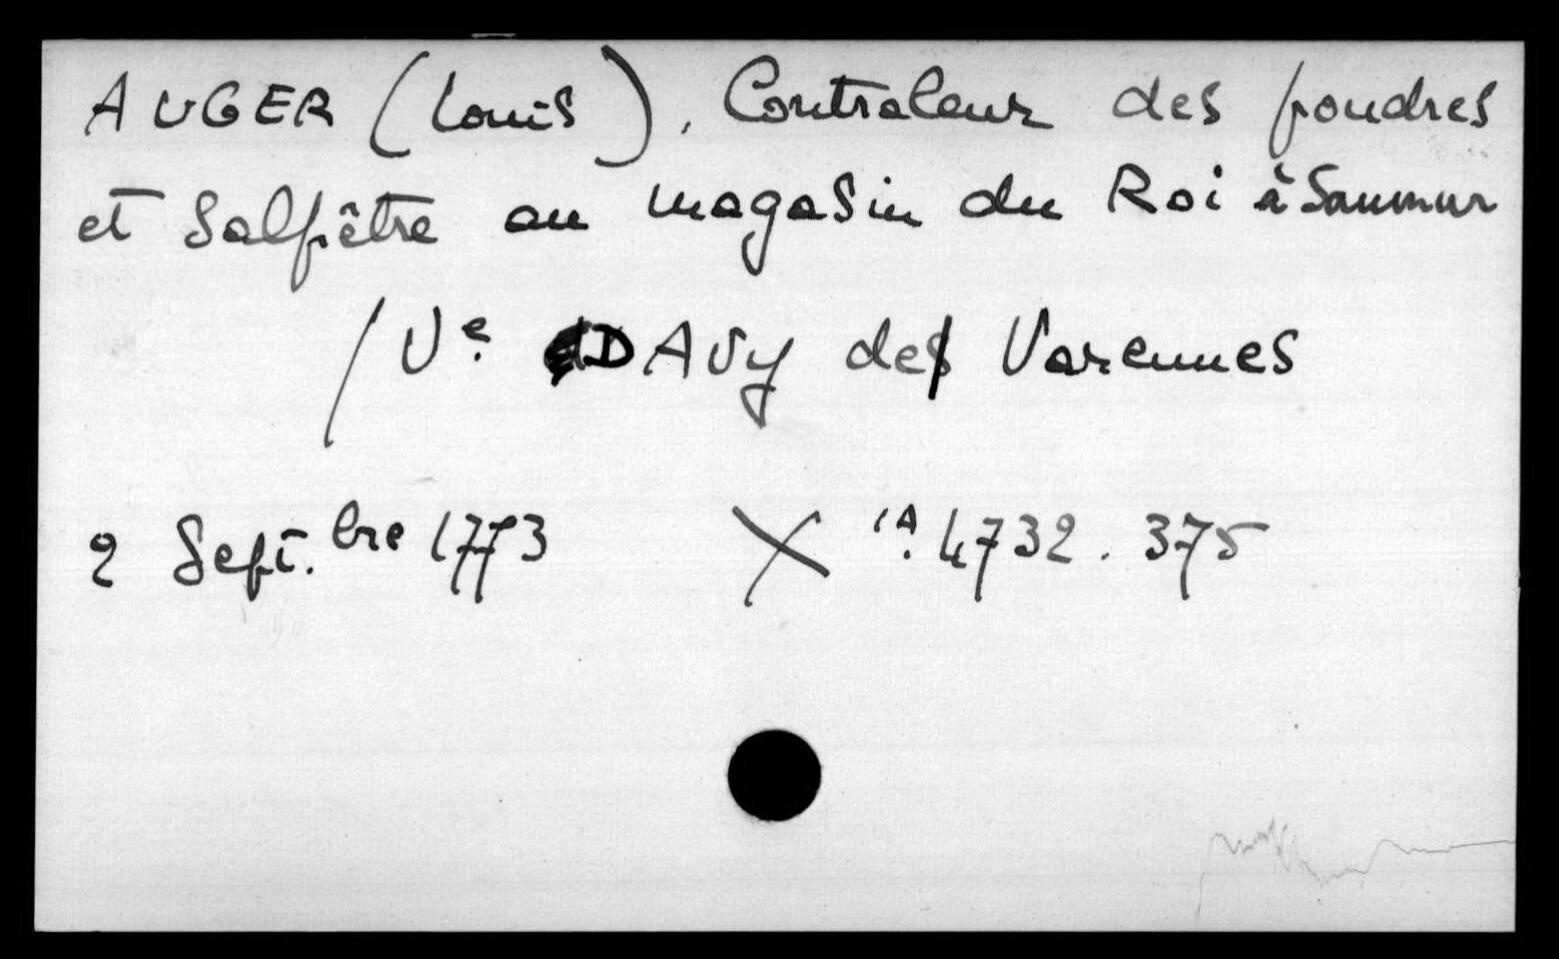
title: AUGER (Louis), Contrôleur des poudres et salpêtre au Magasin du Roi à Saumur
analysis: Contre veuve DAVY de Varennes
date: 2 septembre 1773
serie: X1A
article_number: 4732
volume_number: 375
